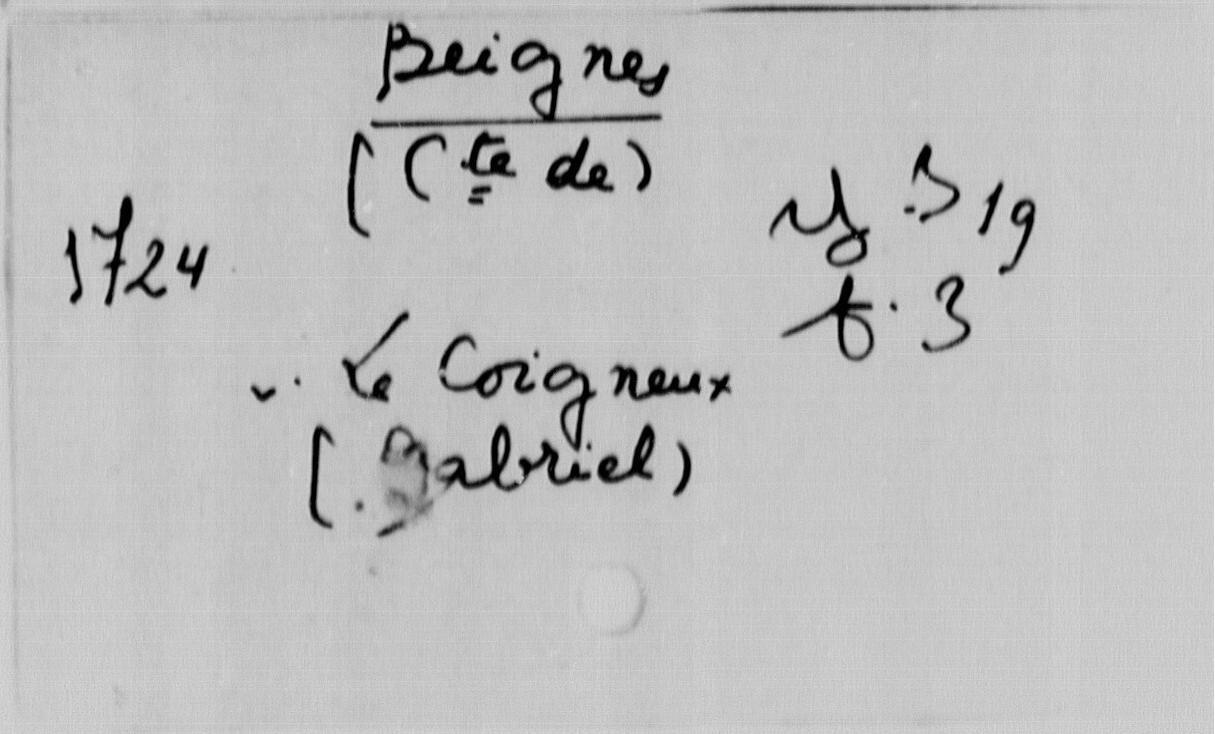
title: Beignes (Comte de)
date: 1724
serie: Y
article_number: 319
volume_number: fol. 3
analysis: Voir Le Coigneux (Gabriel)
